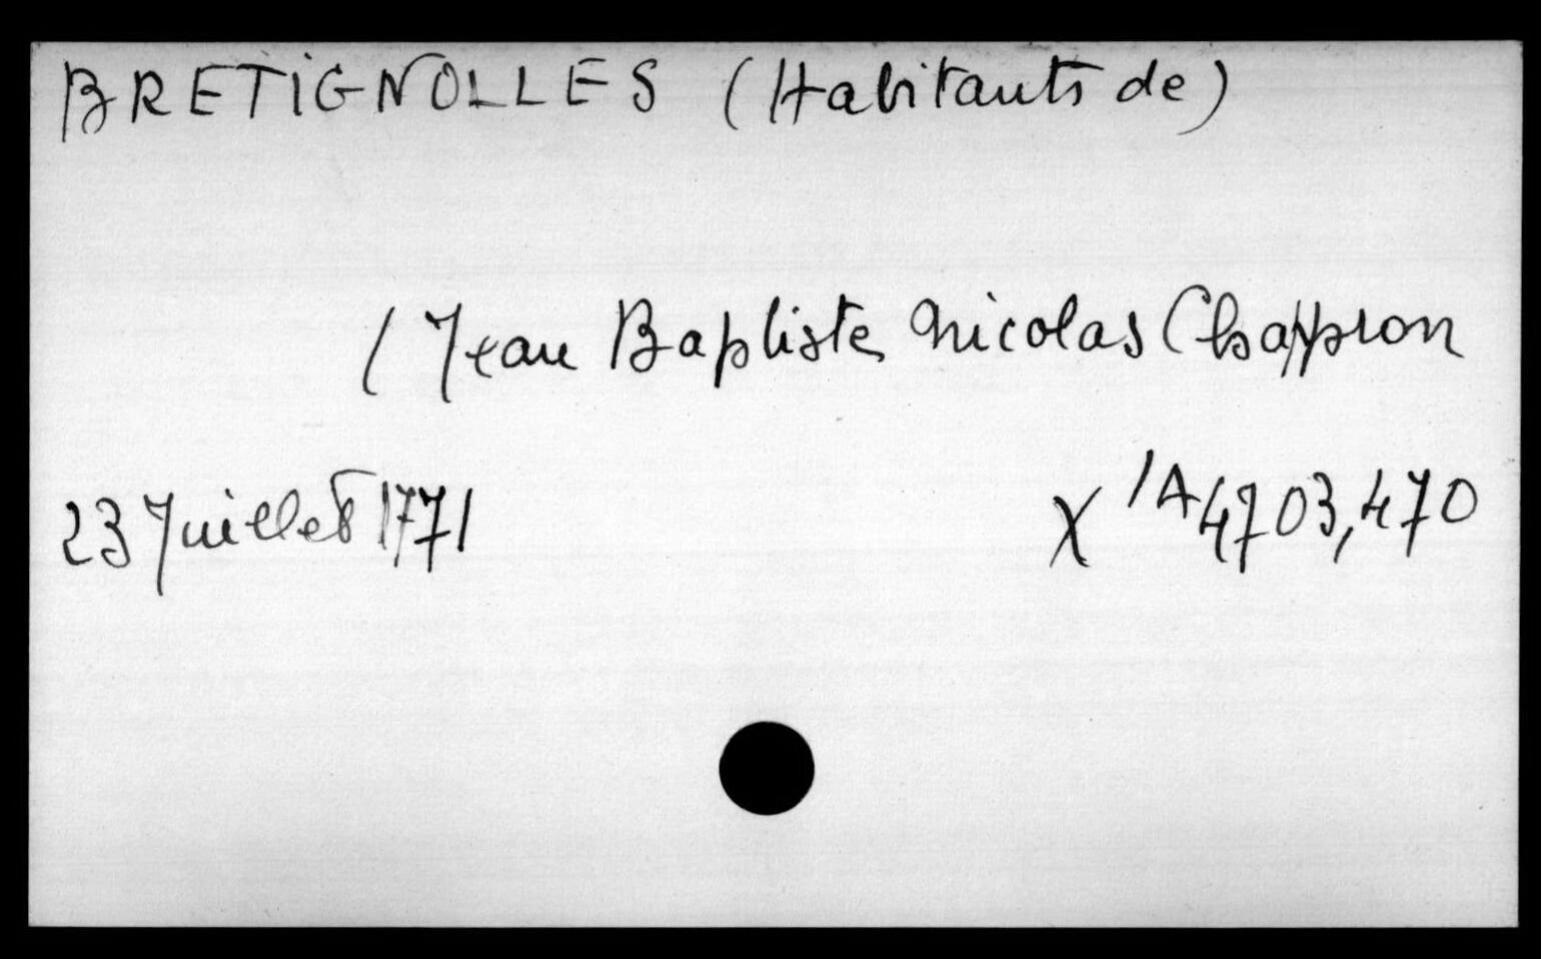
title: BRETIGNOLLES (Habitants de)
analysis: Contre Jean Baptiste Nicolas Chappron
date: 23 juillet 1771
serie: X1A
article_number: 4703
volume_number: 470
